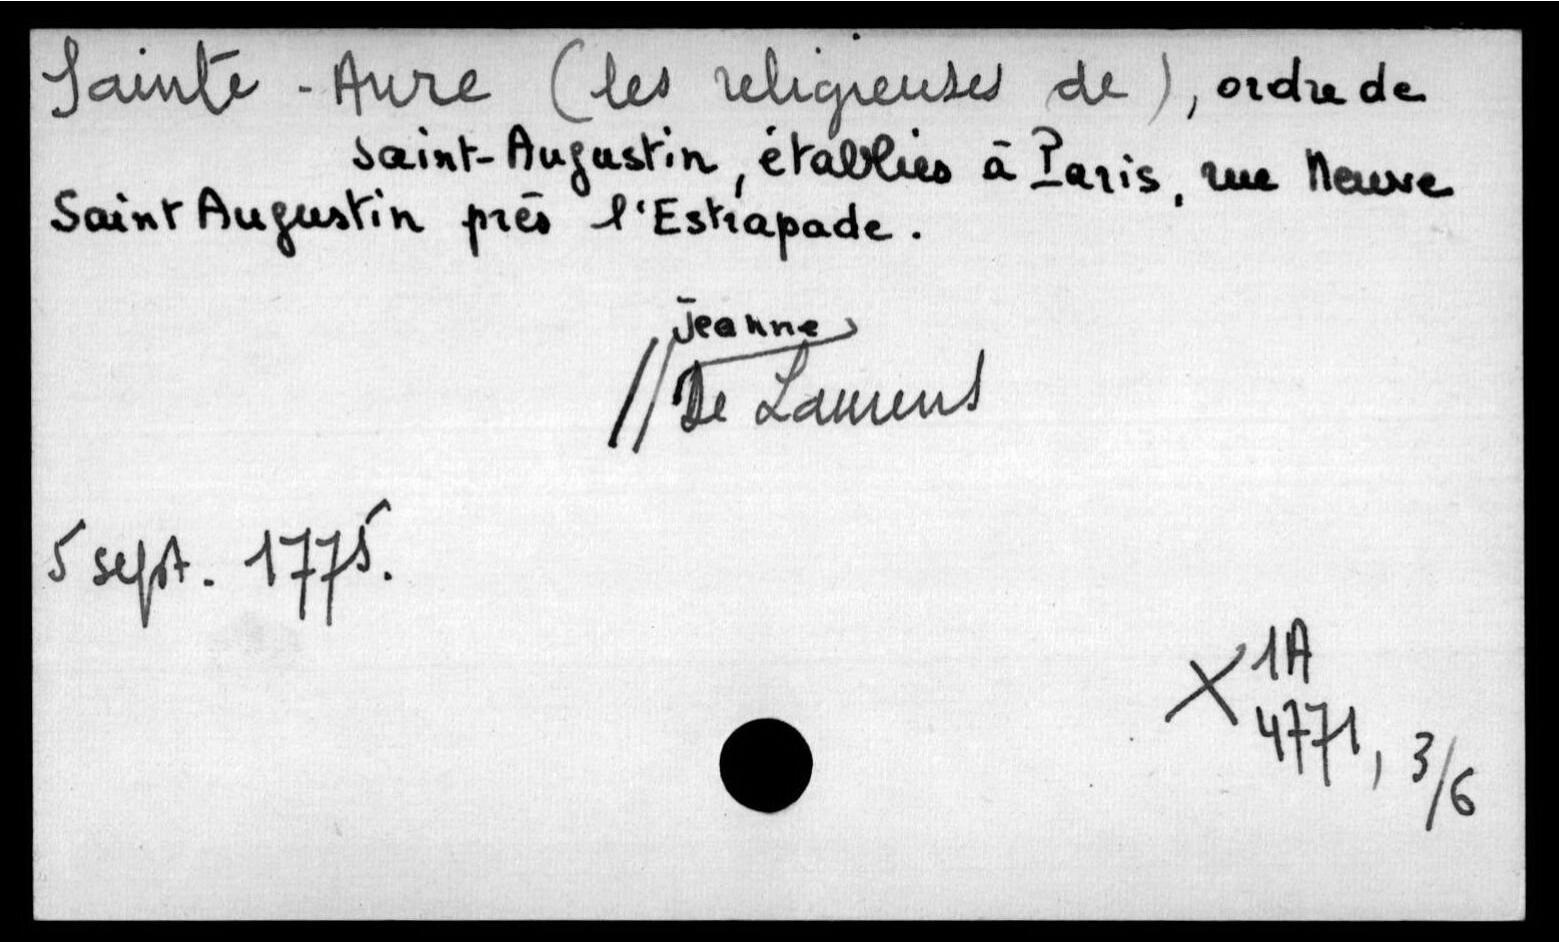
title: SAINTE-AURE (les religieuses de), ordre de saint-Augustin, établies à Paris, rue Neuve Saint Augustin près l'Estrapade
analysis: Contre Jeanne de Laurens
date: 5 septembre 1775
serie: X1A
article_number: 4771
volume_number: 316
